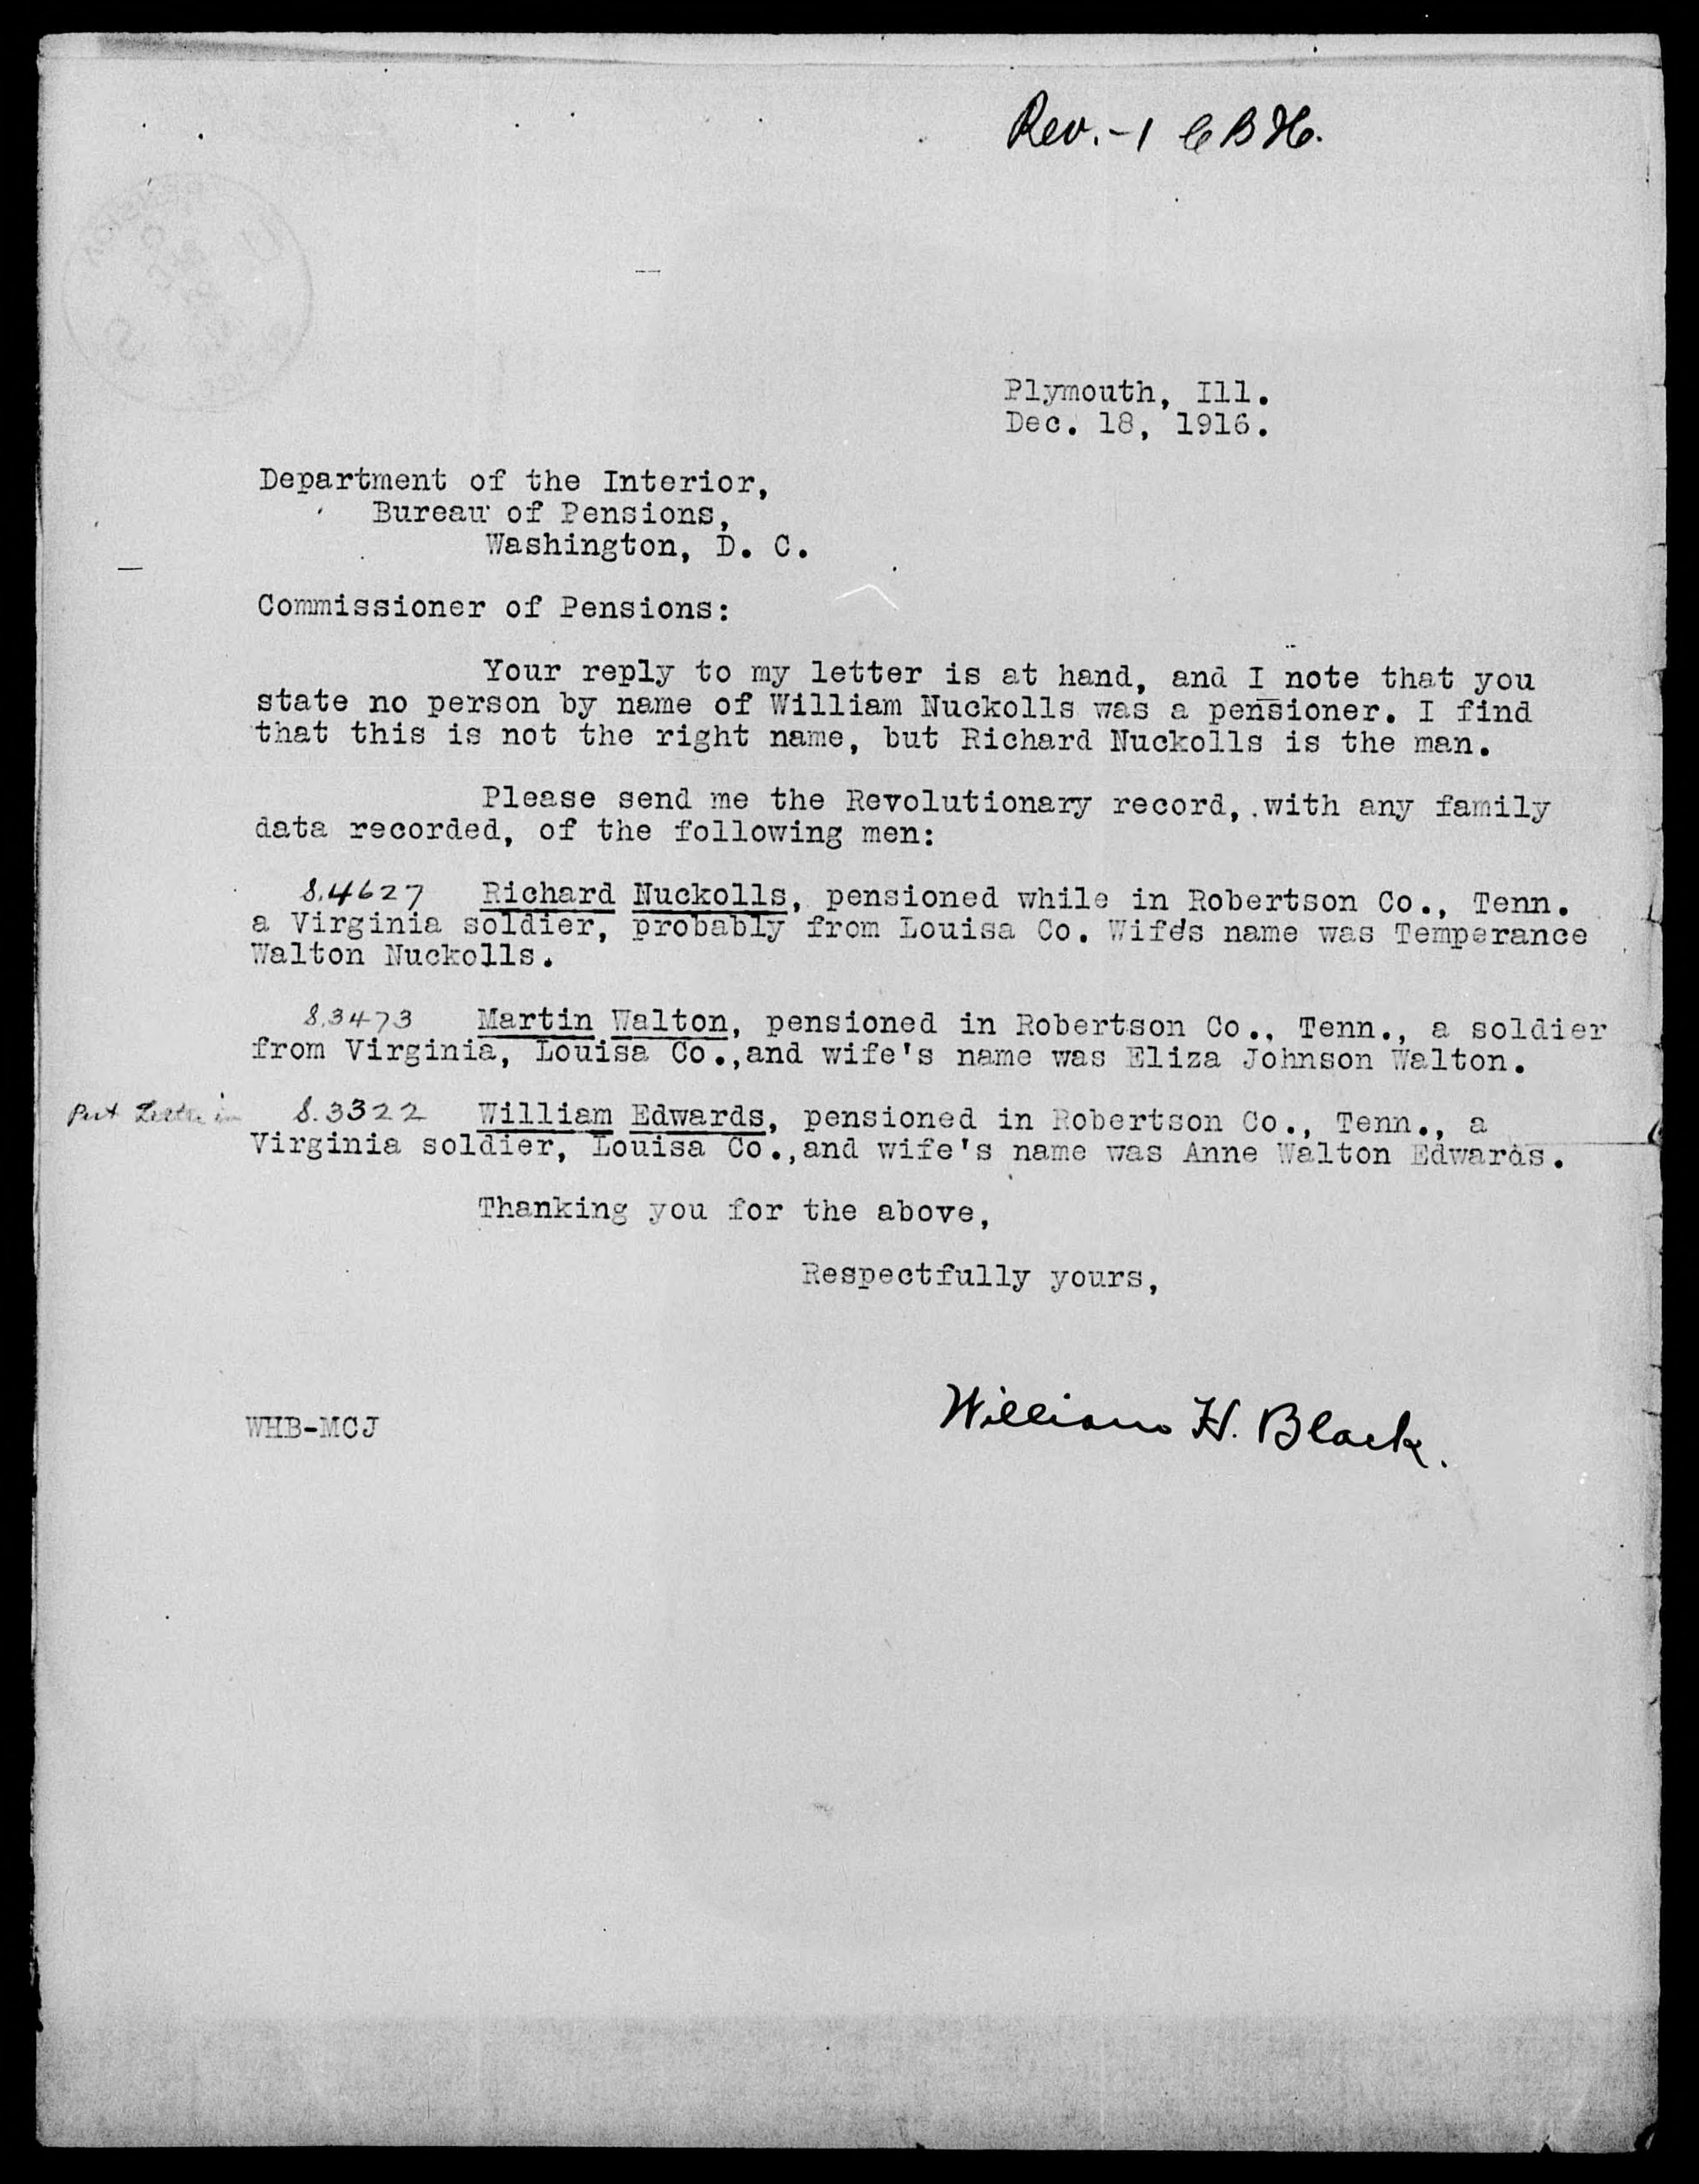Rev. - 1 CBH.

Plymouth, Ill.
Dec. 18, 1916.

Department of the Interior,
Bureau of Pensions,
Washington, D. C.

Commissioner of Pensions:

Your reply to my letter is at hand, and I note that you state no person by name of William Nuckolls was a pensioner. I find that this is not the right name, but Richard Nuckolls is the man.

Please send me the Revolutionary record, with any family data recorded, of the following men:

S. 4627 Richard Nuckolls, pensioned while in Robertson Co., Tenn. a Virginia soldier, probably from Louisa Co. Wife's name was Temperance Walton Nuckolls.

S. 3473 Martin Walton, pensioned in Robertson Co., Tenn., a soldier from Virginia, Louisa Co., and wife's name was Eliza Johnson Walton.

Put Letter in S. 3322 William Edwards, pensioned in Robertson Co., Tenn., a Virginia soldier, Louisa Co., and wife's name was Anna Walton Edwards.

Thanking you for the above,
Respectfully yours,

William H. Black.
WHB-MCJ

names: William Edwards, Richard Nuckolls, Eliza Johnson Walton, Anne Walton Edwards, William H Black, William Nuckolls, Temperance Walton Nuckolls, Martin Walton, Richard Nuckolls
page: 39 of 47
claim: survivor's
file: S. 3,322, William Edwards, Va.